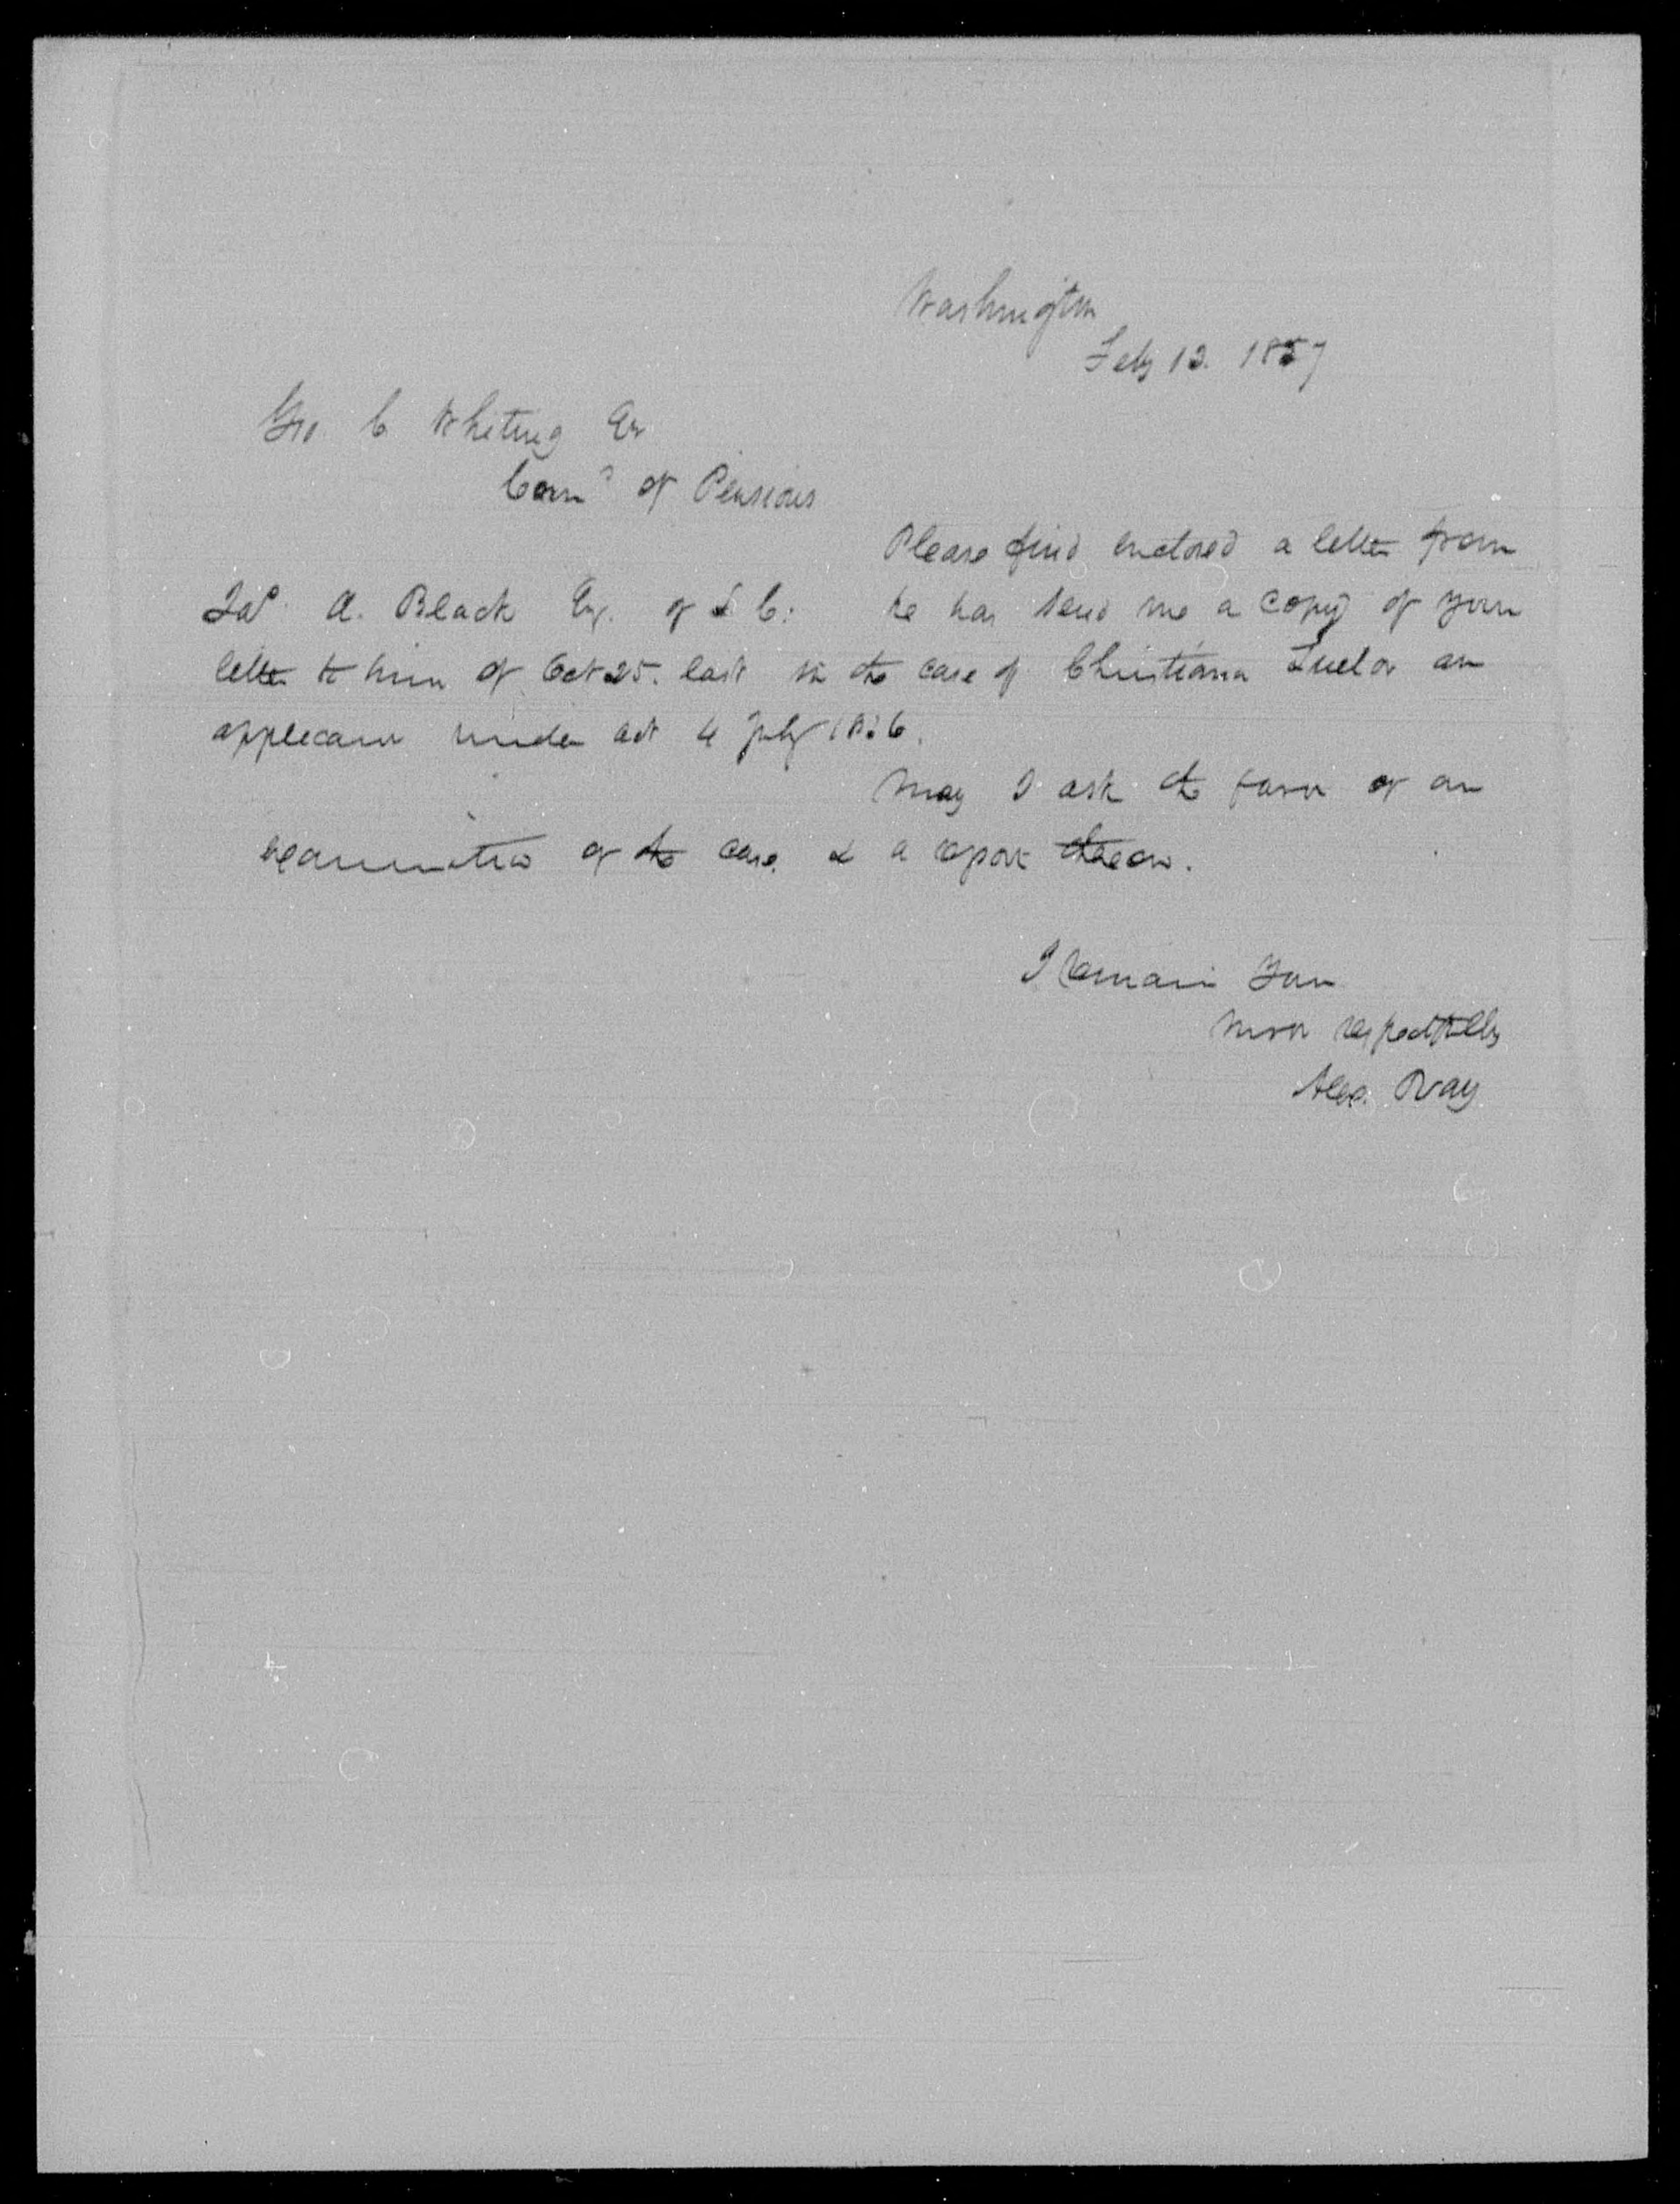Washington
July 12. 1857
 (illegible) Whiting Esq
Comm of Pensions
Please find a letter from (illegible) A. Black Esq. of SC: he has send me a copy of your letter to him of (illegible)  in the case of Christiana Tuelon (sic) appears under act 4 July 1826. May I ask  (illegible) or an (illegible) of the case & a report thereon. 
I remain yours
most respectfully
Alex Ray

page: 18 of 19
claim: rejected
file: R. 10474, for Charles Teulon, South Carolina